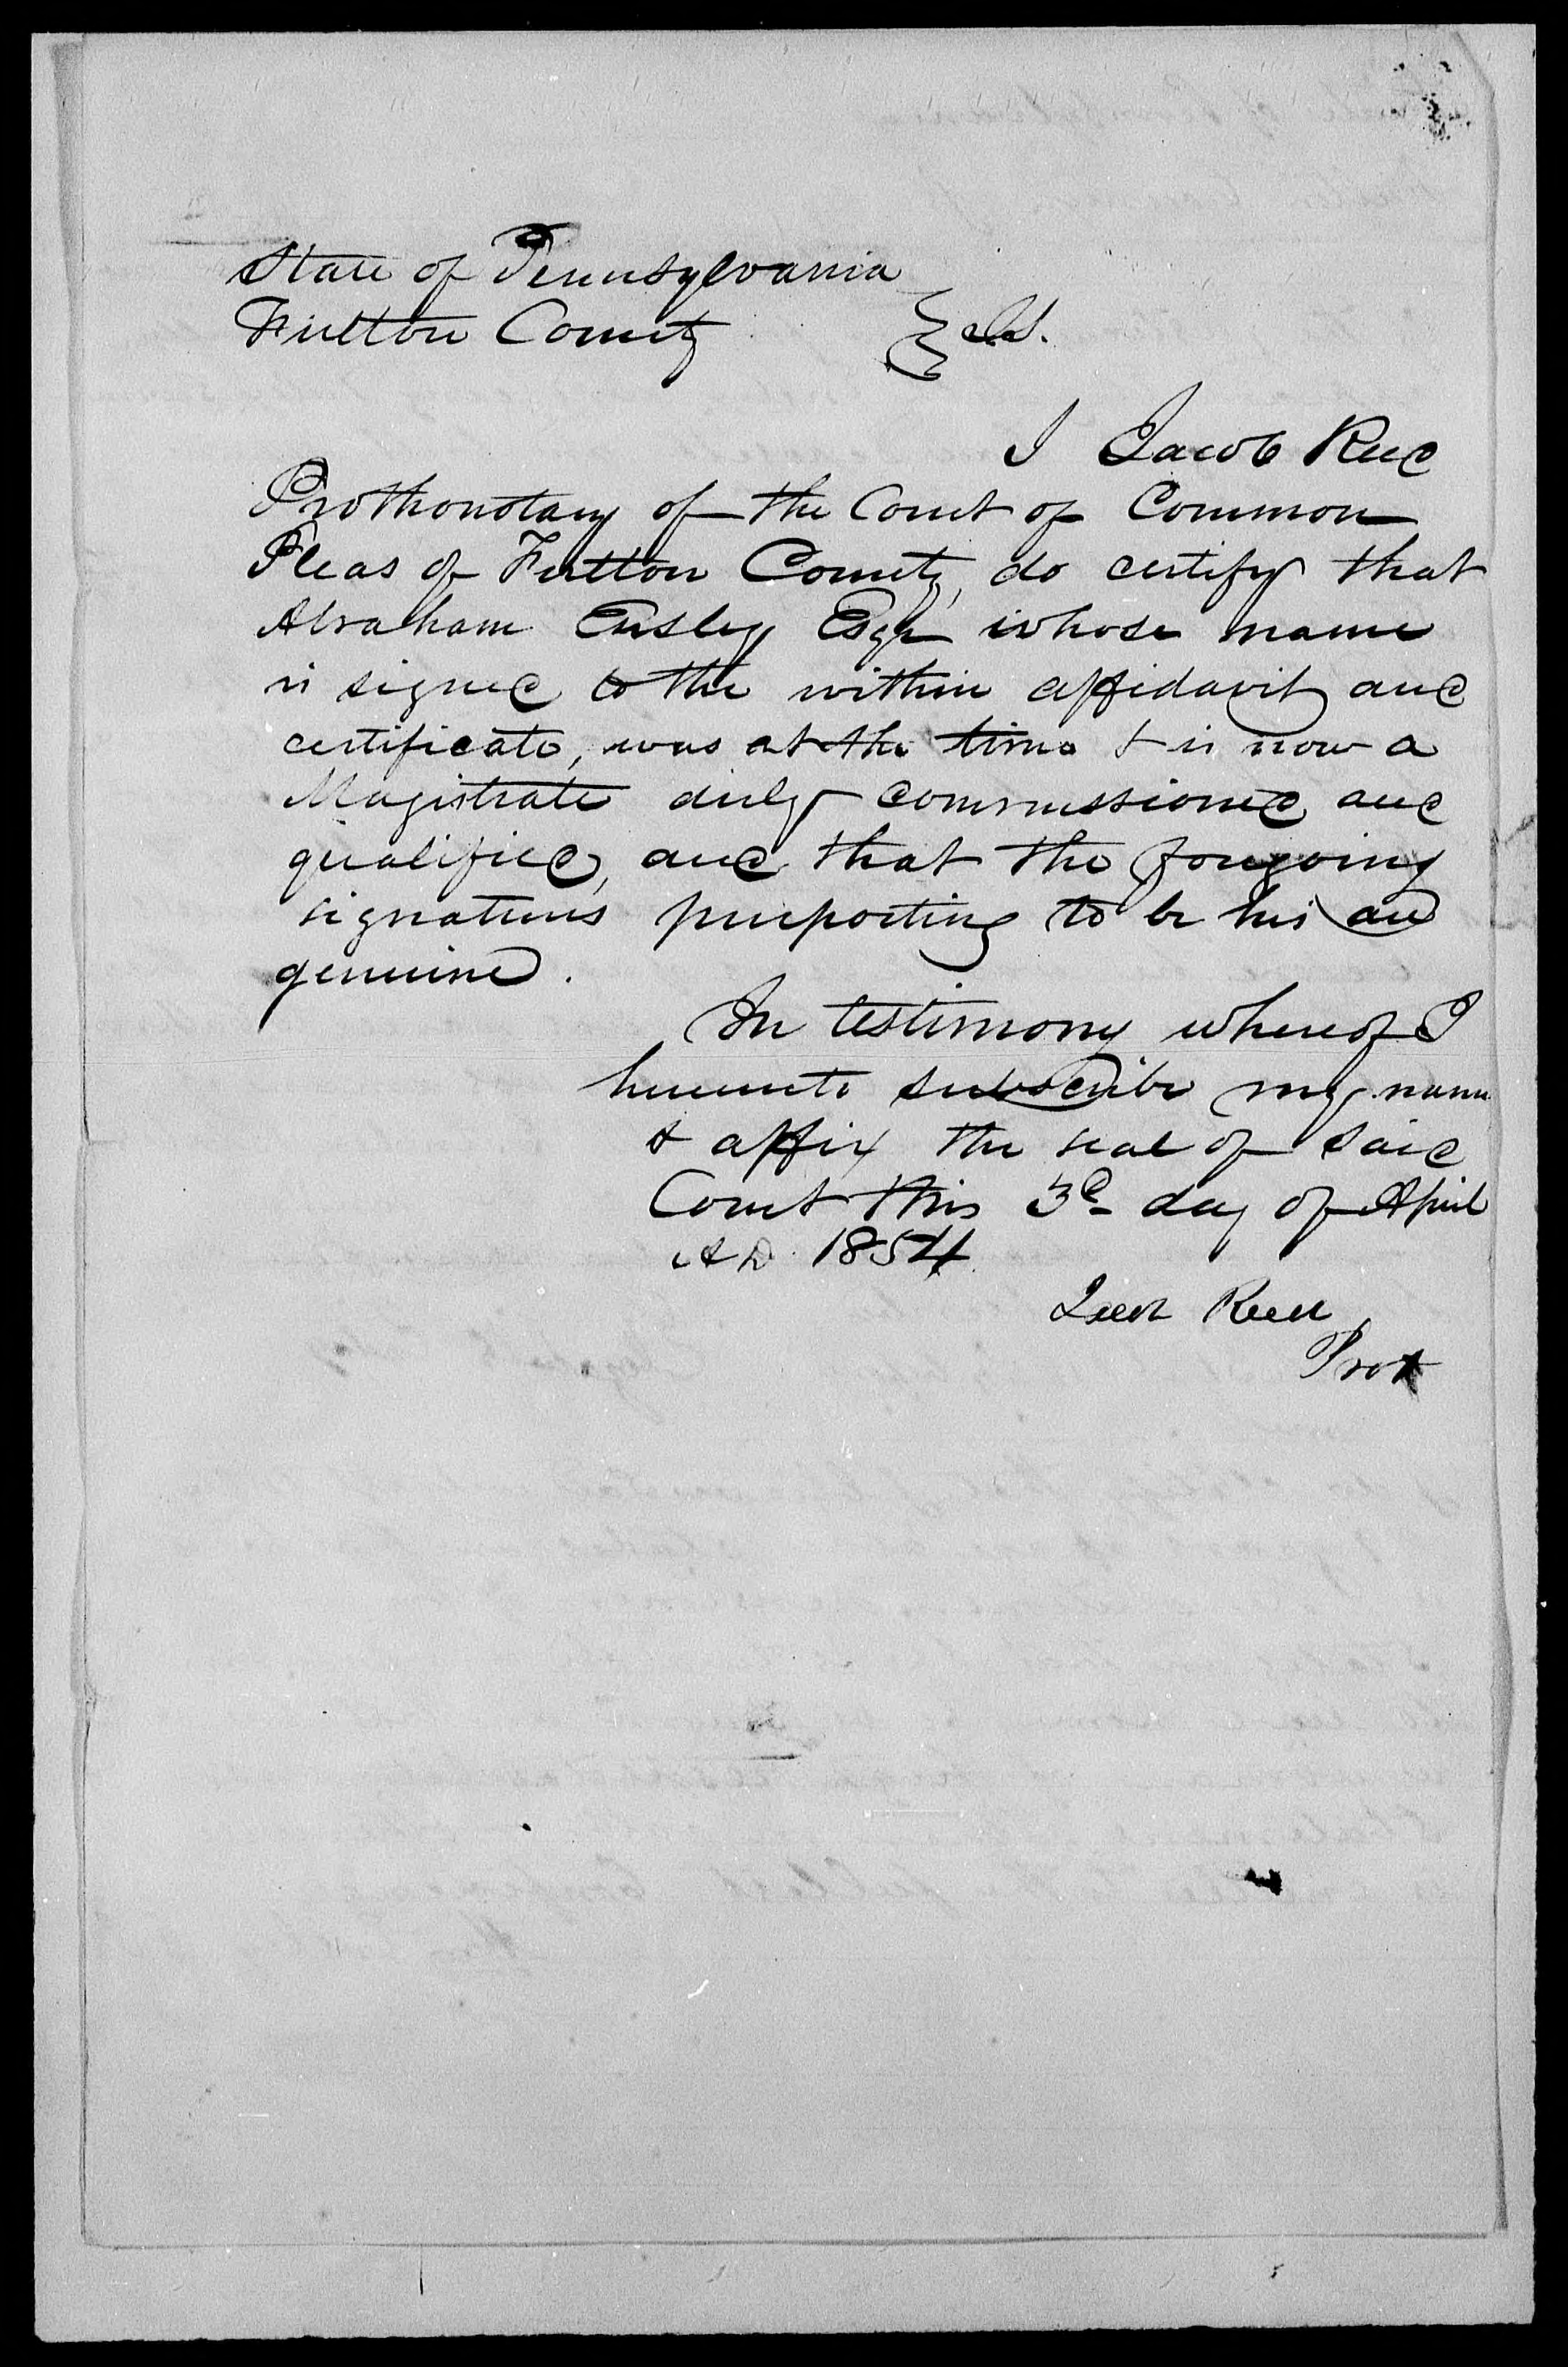State of Pennsylvania
Fulton County SS
I Jacob Reed
Prothonotary of the Court of Common
Pleas of Fulton County, do certify that
Abraham Ensley Esqr whose name
is signed to the within affidavit and
certificate, was at the time & is now a
Magistrate duly commissioned and
qualified, and that the foregoing
signatures purporting to be his are
genuine.
In testimony whereof I
hereunto subscribe my name
& affix the seal of said
Court this 3d day of April
A D 1854
Jacob Reed
Prot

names: Jacob Reed, Abraham Ensley, Jacob Reed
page: 20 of 35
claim: rejected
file: R. 2,650, Daniel Daniels, Penn.